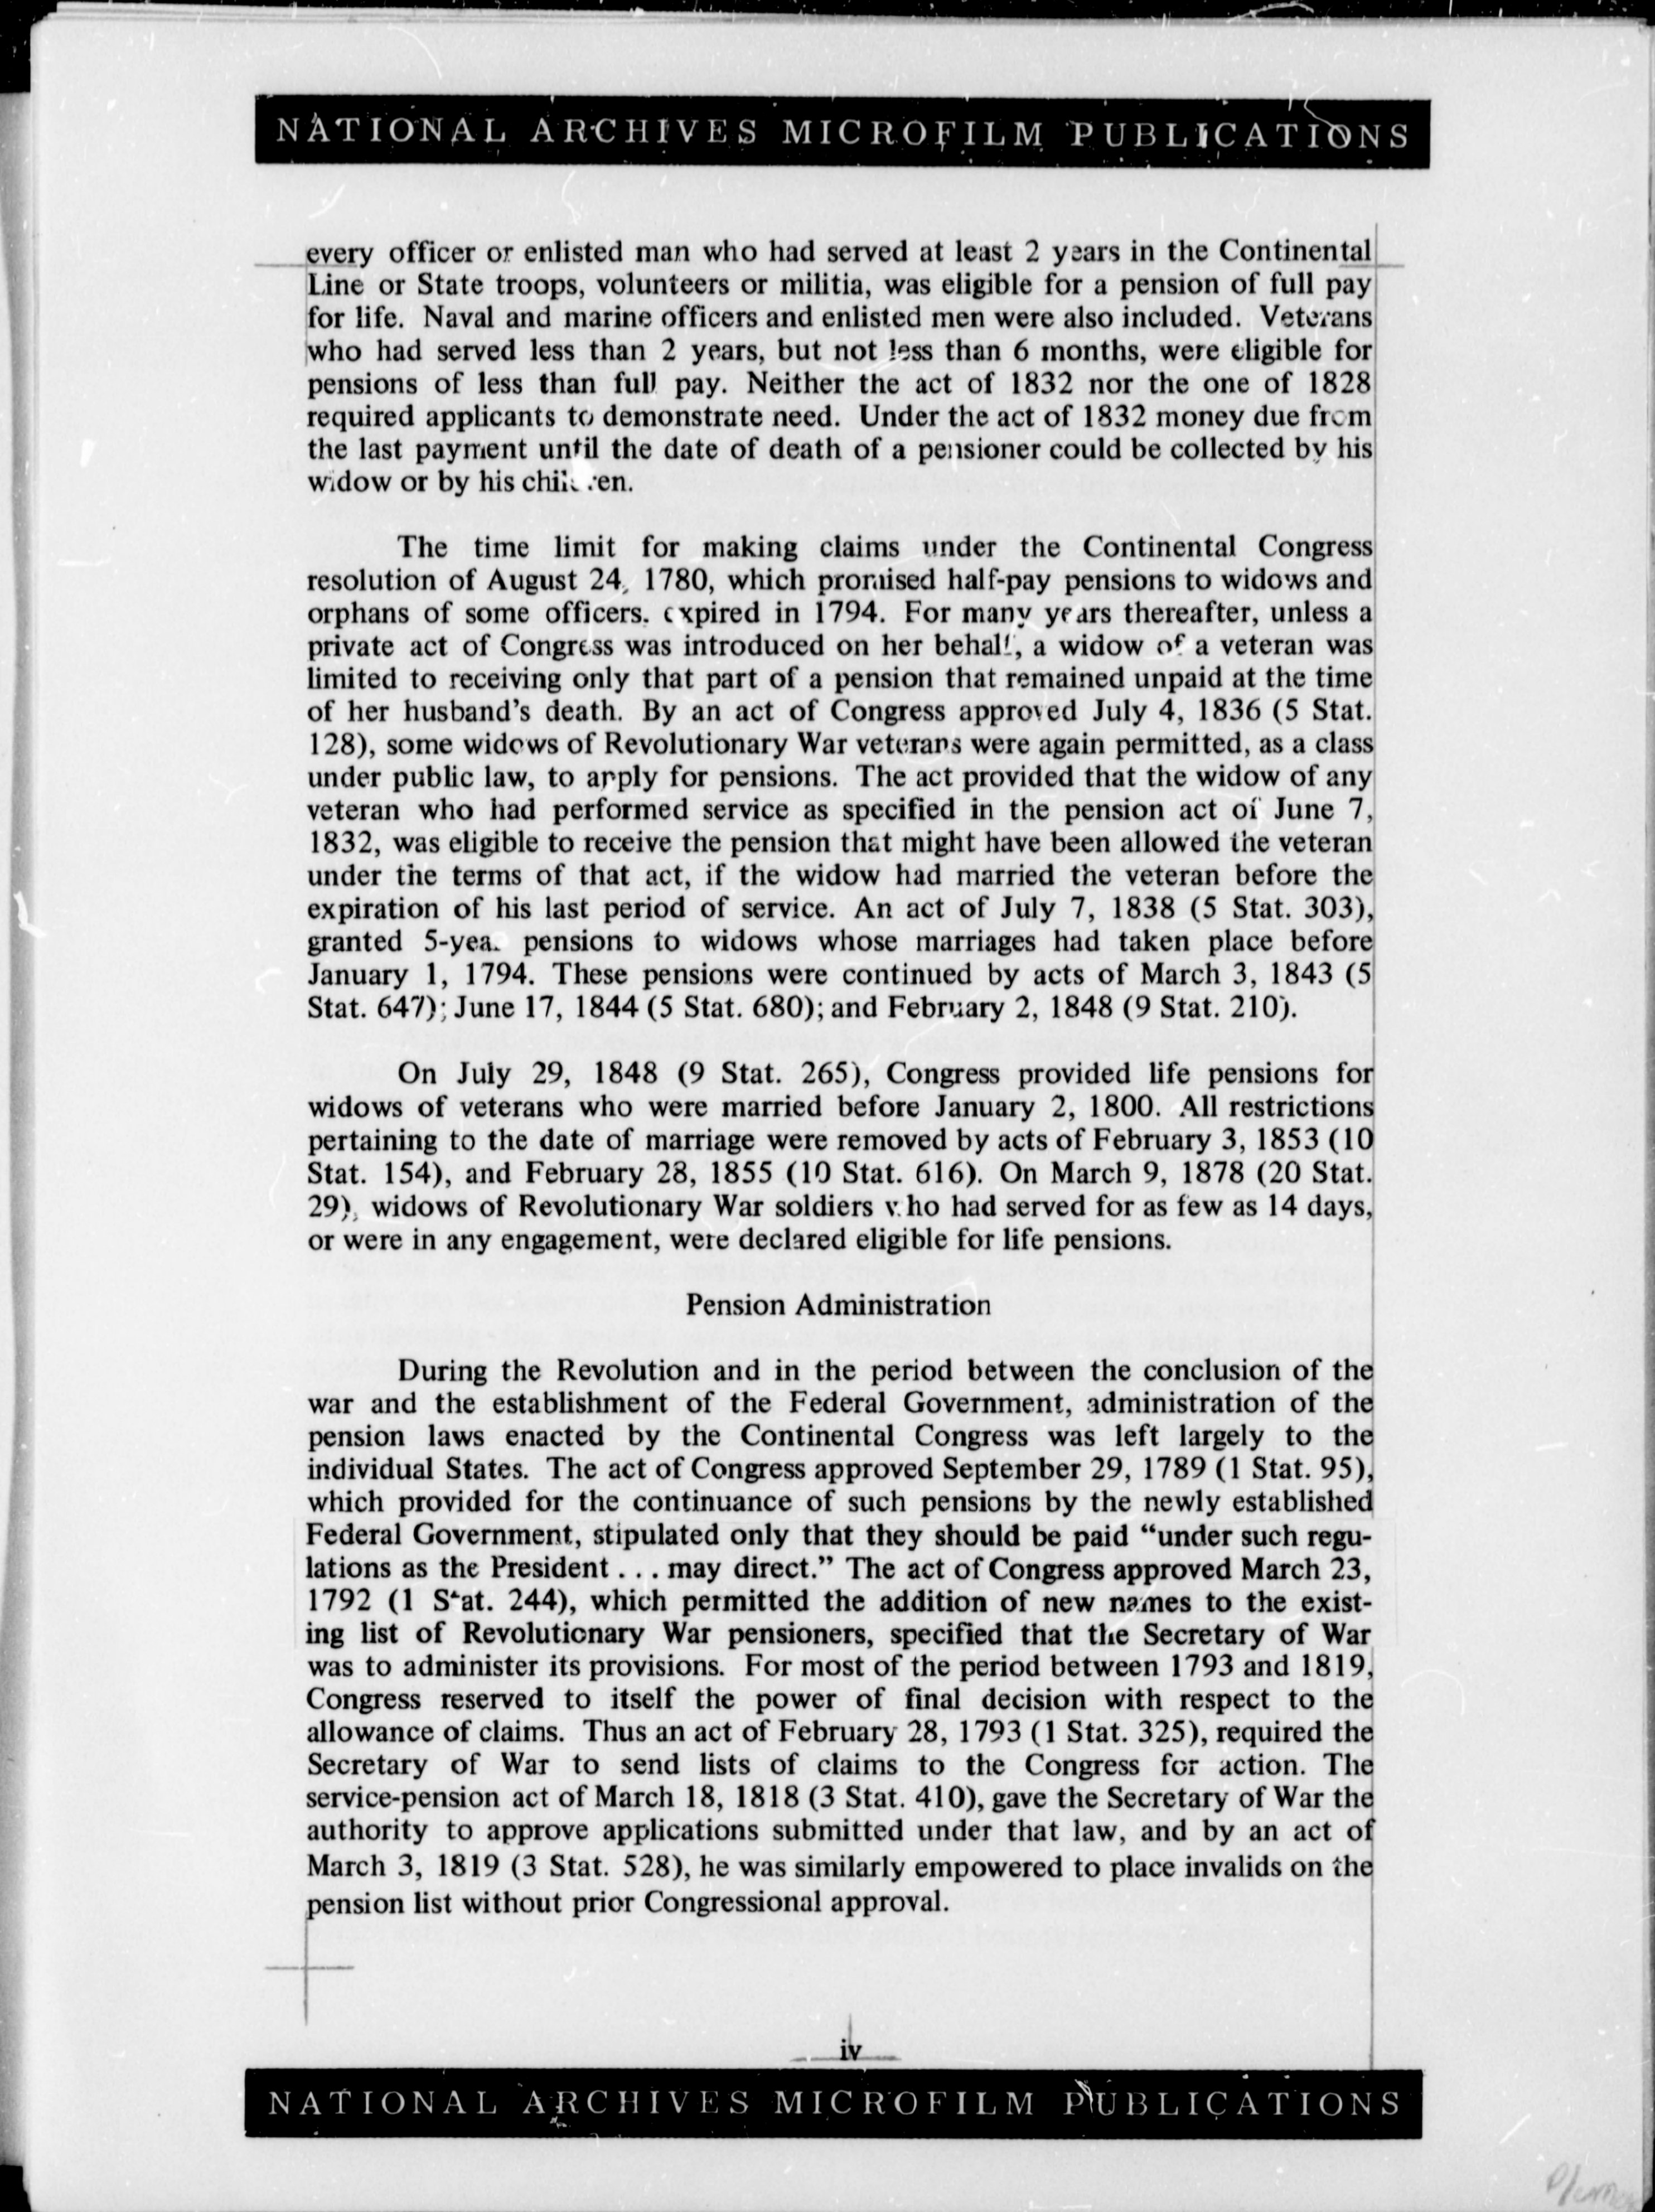NATIONAL ARCHIVES MICROFILM PUBLICATIONS

every officer or enlisted man who had served at least 2 years in the Continental Line or State troops, volunteers or militia, was eligible for a pension of full pay for life. naval and marine officers and enlisted men were also included. Veterans who had served less than 2 years, but not less than 6 months, were eligible for pensions of less than full pay. Neither the act of 1832 nor the one of 1828 required applicants to demonstrate need. Under the act of 1832 money dur from the last payment until the date of death of a pensioner could be collected by his widow or by his children.

The time limit for making claims under the Continental Congress resolution of August 24, 1780, which proraised half-pay pensions to widows and orphans of some officers, expired in 1794. For many years thereafter, unless a private act of Congress was introduced on her behalf, a widow of a veteran was limited to receiving on that part of a pension that remained unpaid at the time of her husband's death. by an act of congress approved July 4, 1836 (5 Stat. 128), some widows of Revolutionary War veterans were again permitted, as a class under public law, to apply for pensions. The act provided that the widow of any veteran who had performed service as specified in the pension act of June 7, 1832, was eligible to receive the pension that might have been allowed the veteran under the terms of that act, if the widow had married the veteran before the expiration of his last period of service. An act of July 7, 1838 (5 Stat. 303), granted 5-year pensions to widows whose marriages had taken place before January 1, 1794. These pensions were continued by acts of March 3, 1843 (5 Stat. 647); June 17, 1844 (5 Stat. 680); and February 2, 1848 (9 Stat. 210).

On July 29, 1848 (9 Stat. 265), Congress provided life pensions for widows of veterans who were married before January 2, 1800. All restrictions pertaining to the date of marriage were removed by acts of February 3, 1853 (10 Stat. 154), and February 28, 1855 (10 Stat. 616). On March 9, 1878 (20 Stat. 29), widows of Revolutionary War soldiers who had served for as few as 14 days, or were in any engagement, were declared eligible for life pensions.

Pension Administration

During the Revolution and in the period between the conclusion of the war and the establishment of the Federal Government, administration of the pension laws enacted by the Continental Congress was left largely to the individual States. The act of Congress approved September 23, 1789 (1 Stat. 95), which provided for the continuance of such pensions by the newly established Federal Government, stipulated only that they should be paid "under such regulations as the President...may direct." The act of Congress approved March 23, 1792 (1 Stat. 244), which permitted the addition of new names to the existing list of Revolutionary War pensioners, specified that the Secretary of War was to administer its provisions. For most of the period between 1793 and 1819, Congress reserved to itself the power of final decision with respect to the allowance of claims. Thus an act of February 28, 1793 (1 Stat. 325), required the Secretary of War to send lists of claims to Congress for action. The service-pension act of March 18, 1818 (3 Stat. 410), gave the Secretary of War the authority to approve applications submitted under that law, and by an act of March 3, 1819 (3 Stat. 528), he was similarly empowered to place invalids on the pension list without prior Congressional approval. 

NATIONAL ARCHIVES MICROFILM PUBLICATIONS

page: 4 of 61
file: Revolutionary War Pension and Bounty Land Warrant Application File